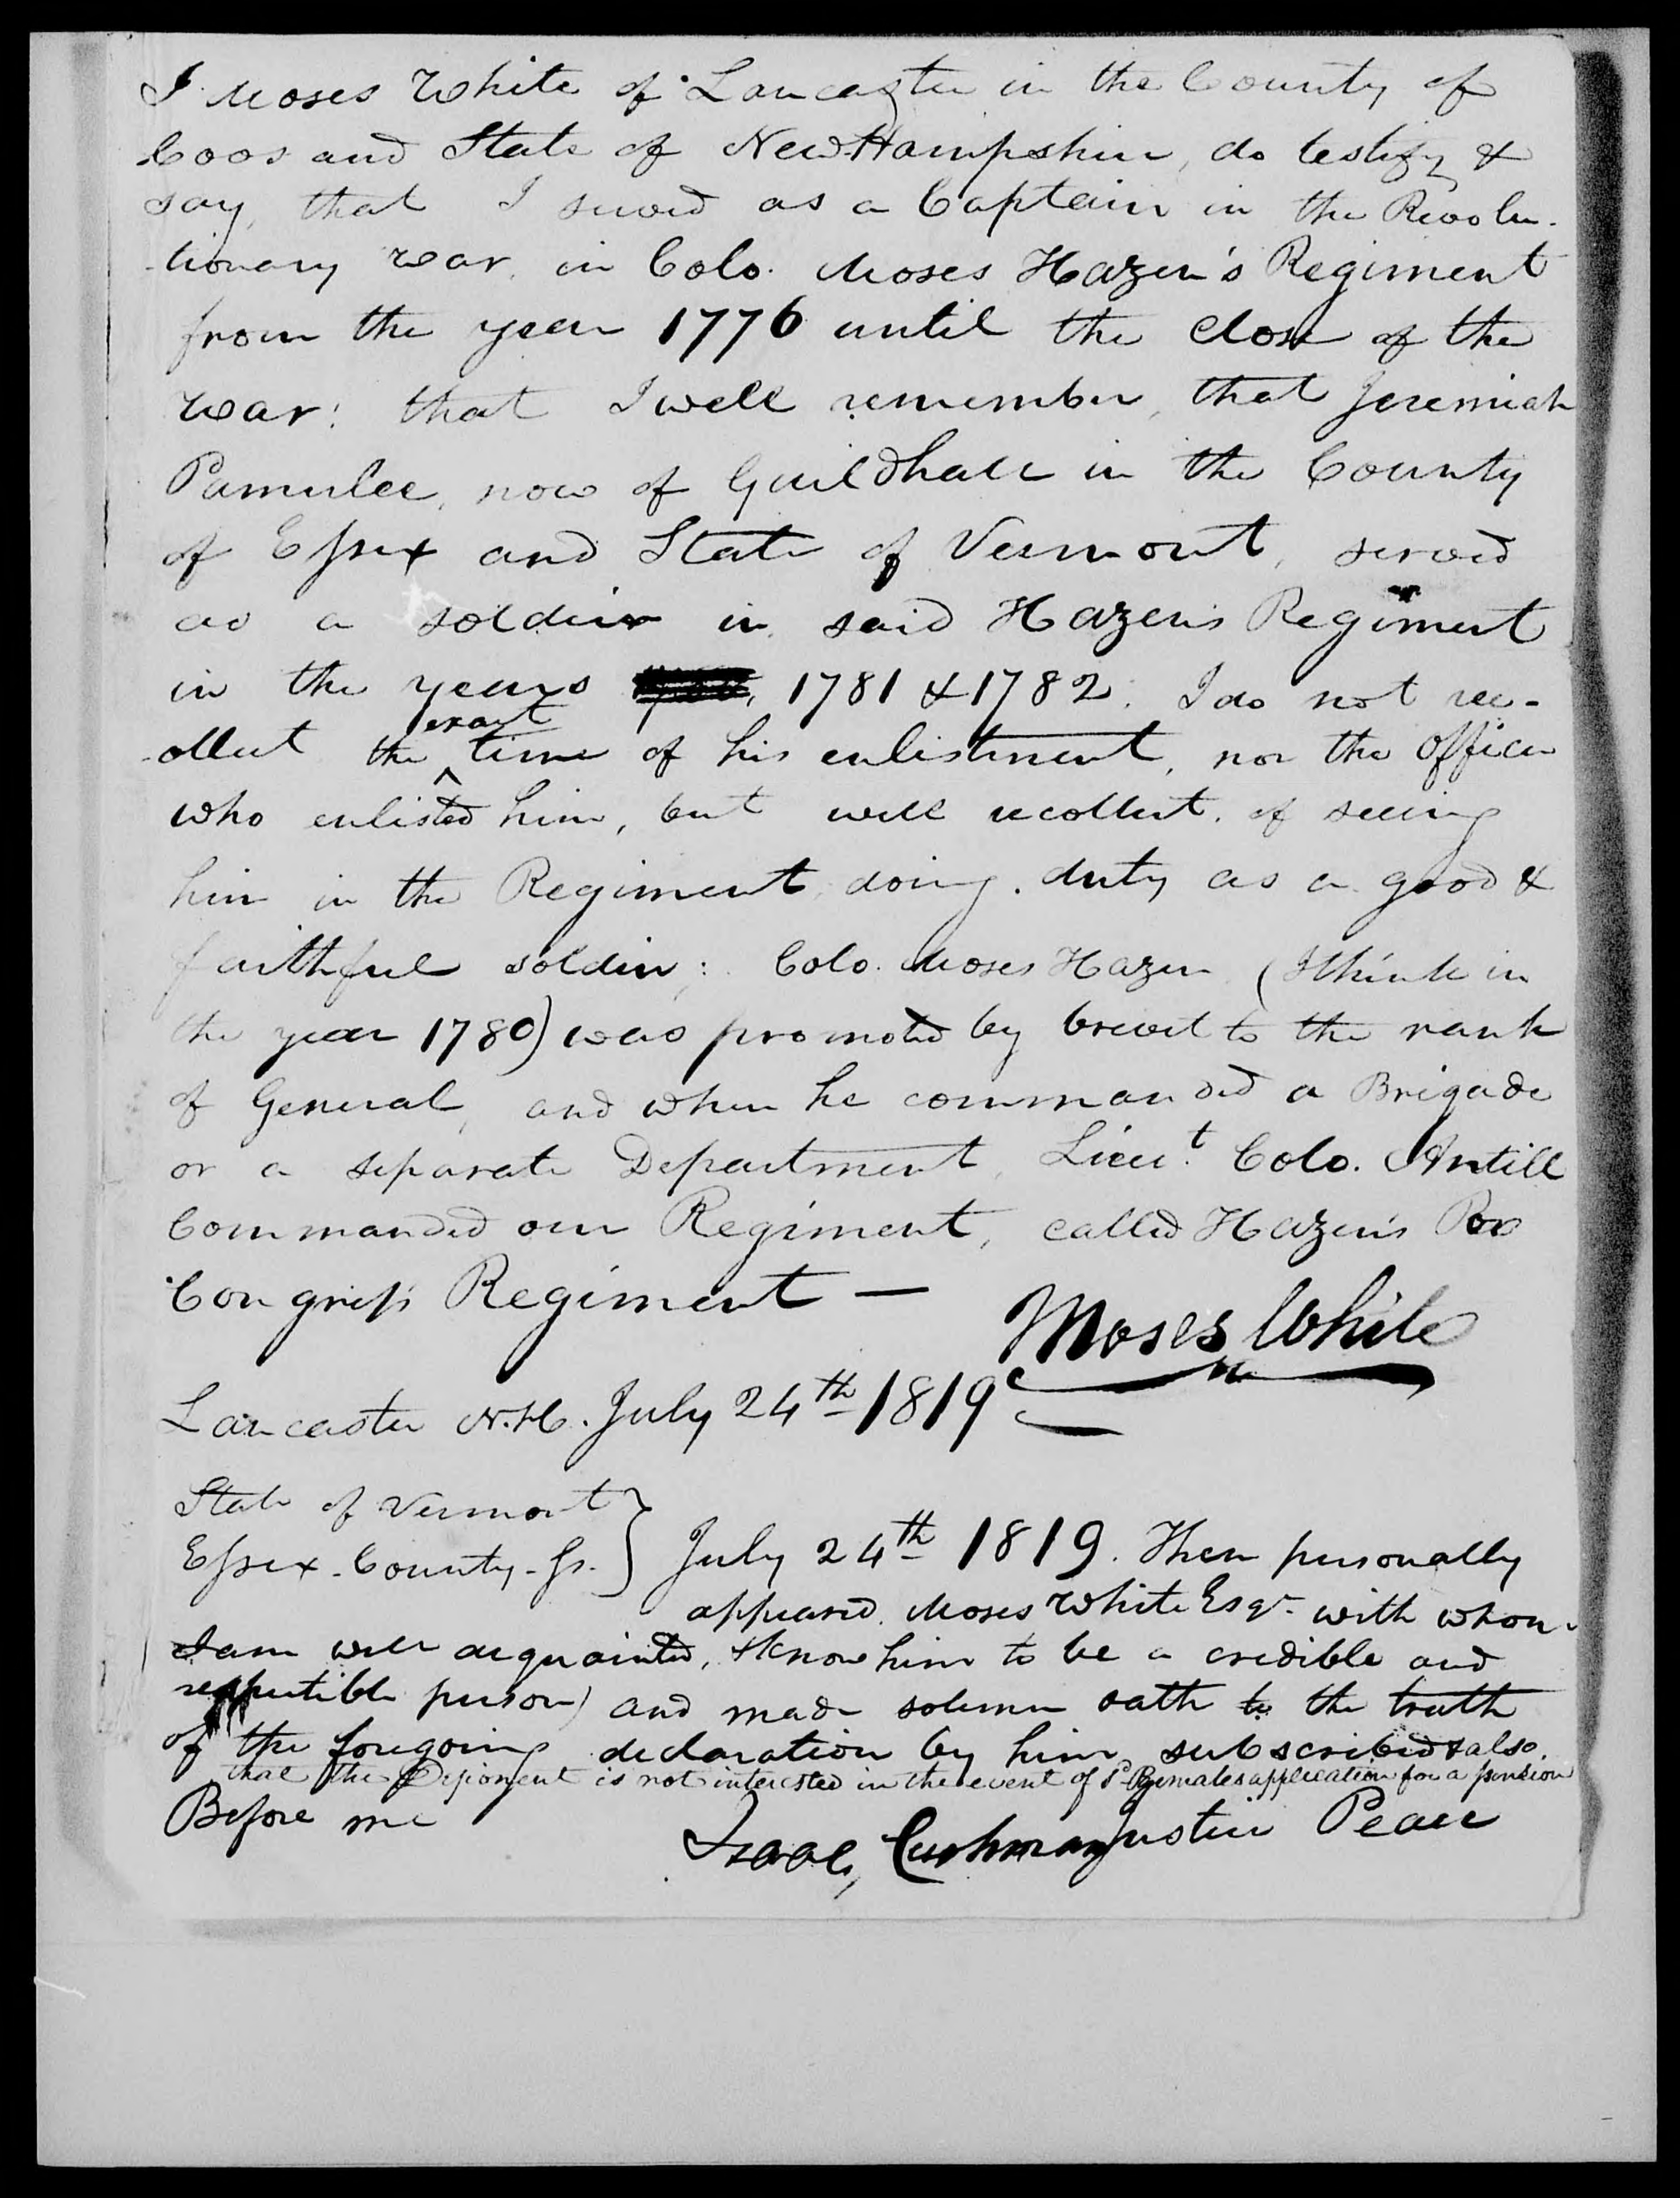I Moses White of Lancaster in the County of
Coos and State of New Hampshire, do testify & say that I served as a Captain in the Revolutionary war in Colo. Moses Hazen's Regiment from the year 1776 until the close of the war; that I well remember, that Jeremiah 
Pamulee, now of Guildhall in the County of Essex and State of Vermont, served as a soldier in said Hazen's Regiment in the years 1781 & 1782. I do not recollect the exact time of his enlistment nor the officer who enlisted him, but well recollect of seeing him in the Regiment doing duty as a good & faithful soldier: Colo. Moses Hazen (I think in
the year 1780) was promoted a brevit to the rank of General, and when he commanded a Brigade or a separate Department Lieut Colo. Antill commanded our Regiment, called Hazen's Pox Congress Regiment-
Moses While
Lancaster N.H. July 24th 1819
-
State of Vermont
Essex County-ss
July 24th 1819. Then personally appeared Moses White Esq. with whom I am well acquainted, & know him to be a credible and
respectible [respectable] person and made solemn oath to the truth of the foregoing
declaration by him subscribed & also that the deponent is not interested in the event of sd Pemales application for a pension
Before me
Isaac Cushman Justice Peace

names: Moses White; Jeremiah Parmelee; [BLANK] Antill; Isaac Cushman; Moses Hazen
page: 7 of 11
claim: survivor's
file: S. 41,048, for Jeremiah Parmalee, Connecticut